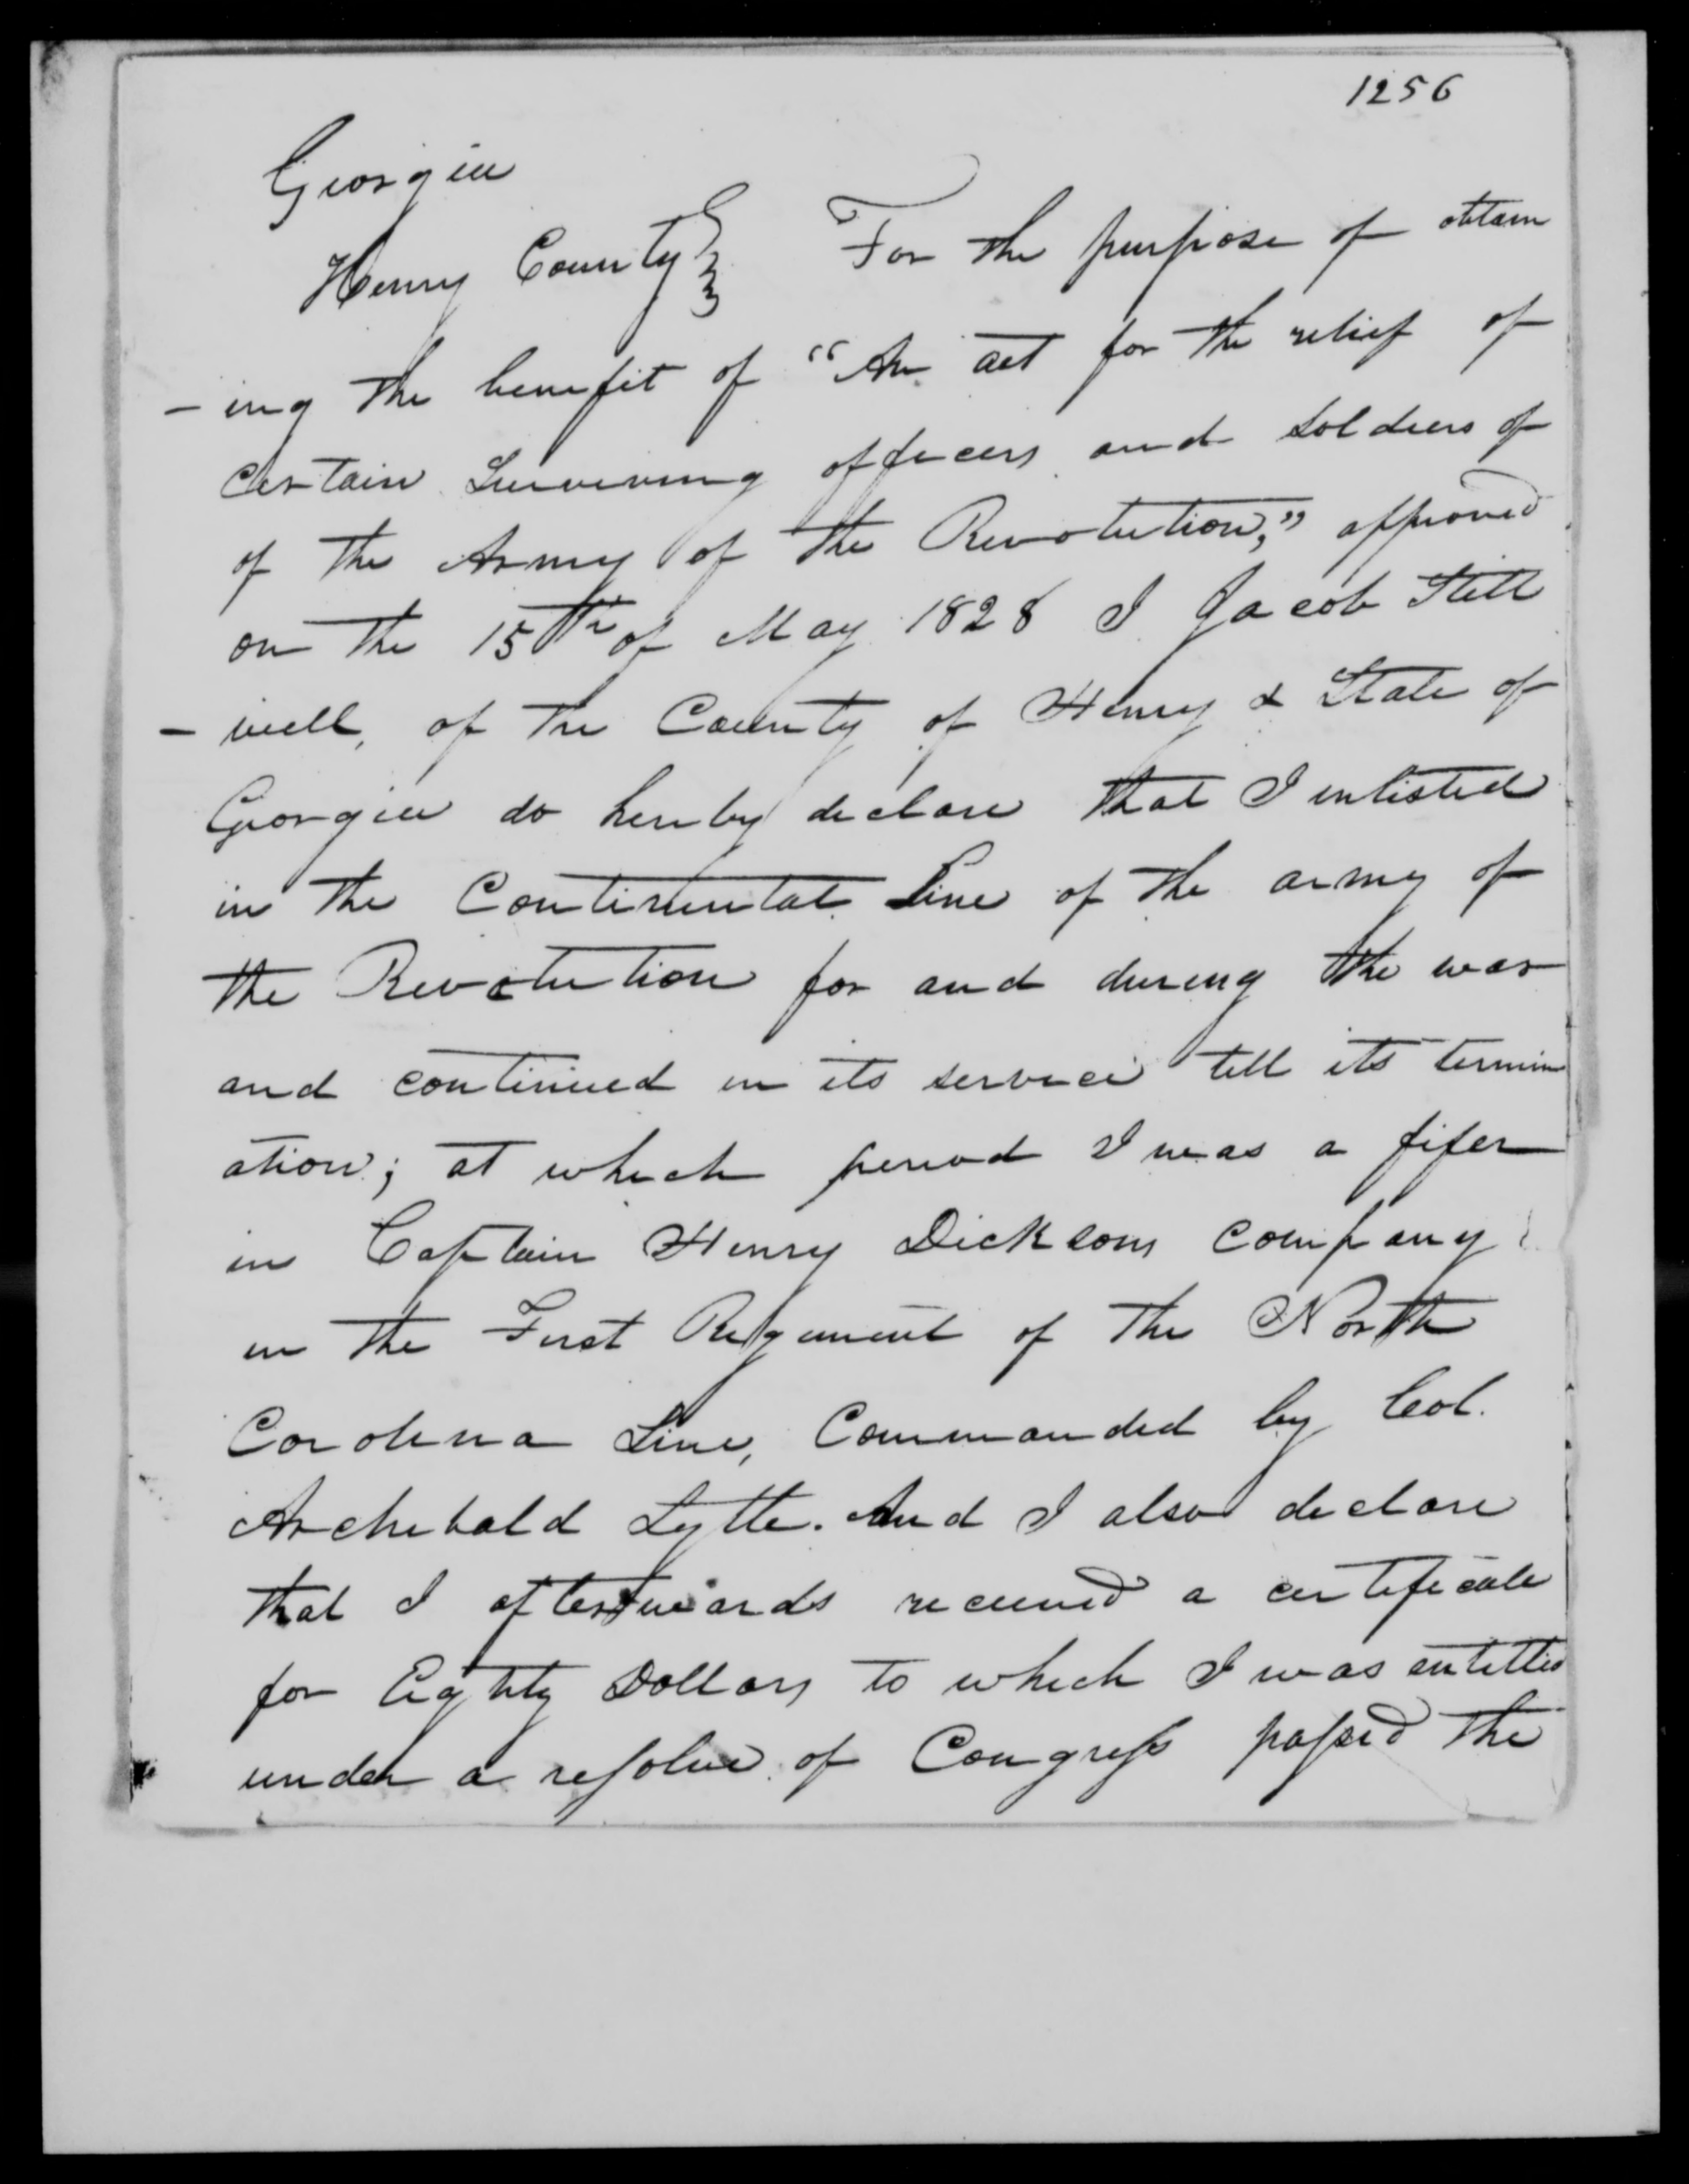1256
Georgia
Henry County
 For the purpose of obtaining
the benefit of "An act for the relief of
certain surviving officers and Soldiers of
of the Army of the Revolution"" approved
on the 15th of May 1828 I Jacob Stillwell of the County of Henry & State of
Georgia do hereby declare that I enlisted
in the Continental line of the army of
the Revolution for and during the war 
and continued in its service till its termination; at which period I was a fifer
in Captain Henry Dicksons Company
in the First Regiment of the North Carolina
Line commanded by Col.
Archibald Lytle and I also declare
that I afterwards received a certificate
for Eighty Dollars to which I was entitled
under a resolve of Congress passed the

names: Henry Dickson; Archibald Lytle; Jacob Stillwell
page: 10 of 25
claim: survivor's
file: S. 31,993, for Jacob Stillwell, North Carolina